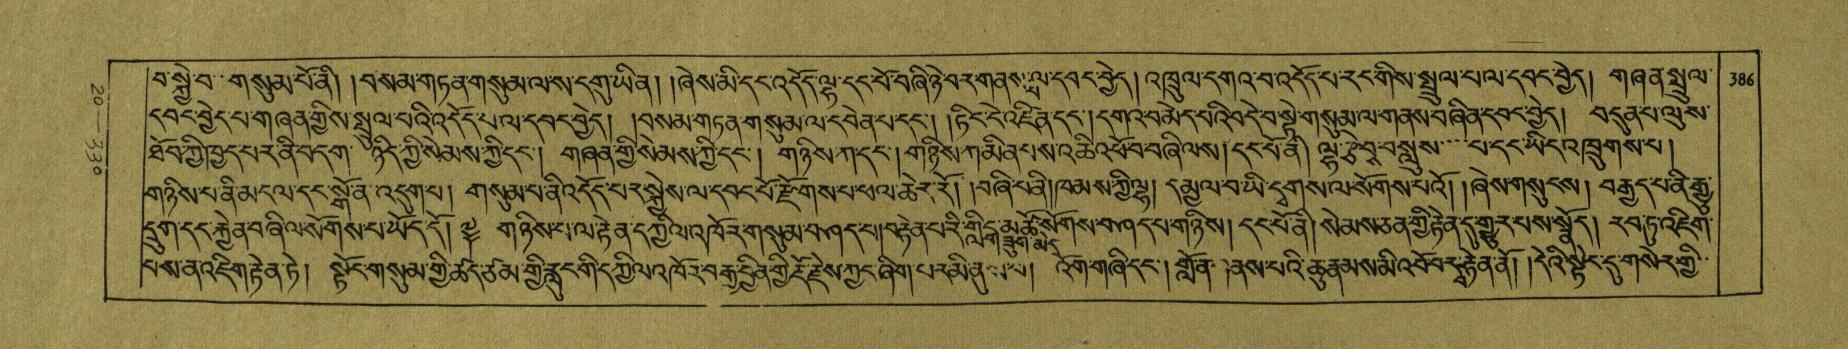བ་སྐྱེ་བ་གསུམ་པོ་ནི། །བསམ་གཏན་གསུམ་ལ་ས་དགུ་ཡིན། །ཞེས་མི་དང་འདོད་ལྷ་དང་པོ་བཞི་ཉེ་བར་གནས་ལ་དབང་བྱེད། འཁྲུལ་དགའ་བ་འདོད་པ་རང་གིས་སྤྲུལ་པ་ལ་དབང་བྱེད། གཞན་སྤྲུལ་
དབང་བྱེད་པ་གཞན་གྱིས་སྤྲུལ་པའི་འདོད་པ་ལ་དབང་བྱེད། །བསམ་གཏན་གསུམ་ལ་དབེན་པ་དང་། །ཏིང་ངེ་འཛིན་དང་། དགའ་བ་མེད་པའི་བདེ་བ་སྟེ་གསུམ་ལ་གནས་བཞིན་དབང་བྱེད། བདུན་པ་ལུས་
ཐོབ་ཀྱི་ཁྱད་པར་ནི་བདག་ཉིད་ཀྱི་སེམས་ཀྱི་དང་། གཞན་གྱི་སེམས་ཀྱི་དང་། གཉིས་ཀ་དང་། གཉིས་ཀ་མིན་པས་འཆི་འཕོ་བ་བཞི་ལས། དང་པོ་ནི། ལྷ་རྩེབས་བསླུས་པ་དང་ཡིད་འཁྲུགས་པ།
གཉིས་པ་ནི་མངལ་དང་སྒོ་ན་འདུག་པ། གསུམ་པ་ནི་འདོད་པར་སྐྱེས་ལ་དབང་པོ་རྫོགས་པ་ཕལ་ཆེར་རོ། །བཞི་པ་ནི། ཁམས་ཀྱི་ལྷ། དམྱལ་བ་ཡི་དྭགས་ལ་སོགས་པའོ། །ཞེས་གསུངས། བརྒྱད་པ་ནི་རྒྱུ་
དྲུག་དང་རྐྱེན་བཞི་ལ་སོགས་པ་ཡོད་དོ། ༈ གཉིས་པ་ལ་རྟེན་དཀྱིལ་འཁོར་གསུམ་བཤད་པ། བརྟེན་པ་རི་གླིང་གཟུག་མེད་མཚོ་སོགས་བཤད་པ་གཉིས། དང་པོ་ནི། སེམས་ཅན་གྱི་རྟེན་དུ་གྱུར་པས་སྣོད། རབ་ཏུ་འཇིག་
པས་ན་འཇིག་རྟེན་ཏེ། སྟོང་གསུམ་གྱི་ཚད་ཙམ་གྱི་རླུང་གི་དཀྱིལ་འཁོར་བརྒྱ་བྱིན་གྱི་རྡོ་རྗེས་ཀྱང་ཞིག་པར་མི་ནུས་པ། འོག་གཞི་དང་། གློ་ན་གནས་པའི་ཆུ་རྣམས་མི་འབོ་བར་རྟེན་ནོ། །དེའི་སྟེང་དུ་གསེར་གྱི་